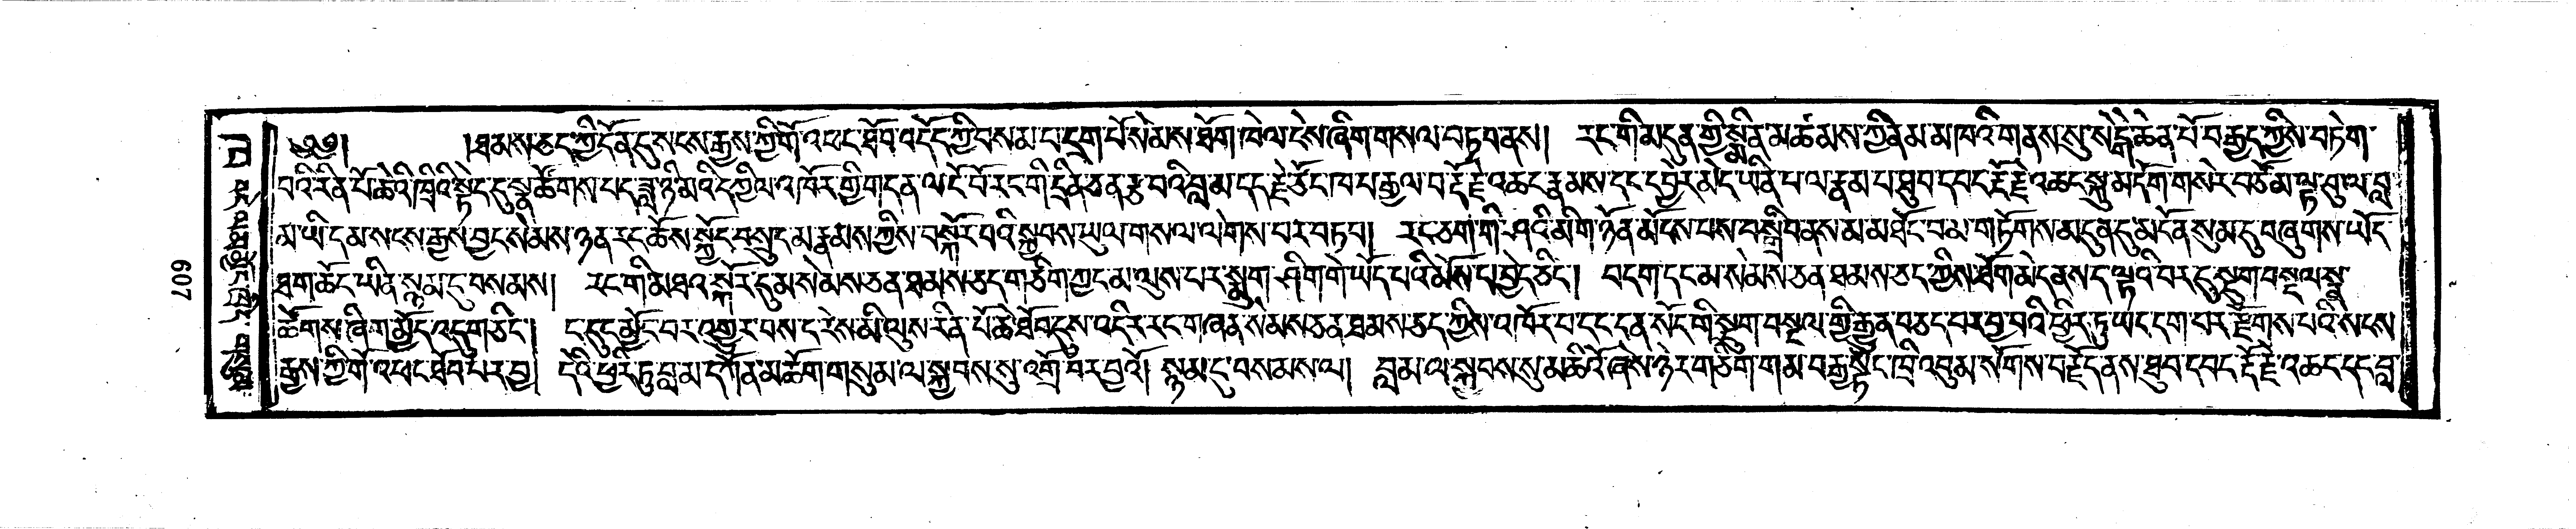༄༅། །ཐམས་ཅད་ཀྱི་དོན་དུ་སངས་རྒྱས་ཀྱི་གོ་འཕང་ཐོབ་འདོད་ཀྱི་བསམ་པ་དྲག་པོ་སེམས་ཐོག་ཁེལ་ངེས་ཞིག་གསལ་བཏབ་ནས། རང་གི་མདུན་གྱི་སྨིན་མཚམས་ཀྱི་ནམ་མཁའི་གནས་སུ་སེངྒེ་ཆེན་པོ་བརྒྱད་ཀྱིས་བཏེག་
བའི་རིན་པོ་ཆེའི་ཁྲིའི་སྟེང་དུ་སྣ་ཚོགས་པད་ཟླ་ཉི་མའི་དཀྱིལ་འཁོར་གྱི་གདན་ལ་ངོ་བོ་རང་གི་དྲིན་ཅན་རྩ་བའི་བླ་མ་དད་རྗེ་ཙོང་ཁ་པ་རྒྱལ་བ་རྡོ་རྗེ་འཆང་རྣམས་དང་དབྱེར་མེད་ཡིན་པ་ལ་རྣམ་པ་ཐུབ་དབང་རྡོ་རྗེ་འཆང་སྐུ་མདོག་གསེར་བཙོམ་ལྟ་བུ་ལ་བླ་
མ་ཡི་དམ་སངས་རྒྱས་བྱང་སེམས་ཉན་རང་ཆོས་ཀྱོན་བསྲུང་མ་རྣམ་སྐྱིས་བསྐོར་བའི་སྐྱབས་ཡུལ་གསལ་ལེགས་པར་བཏབ། རང་ཅག་གི་ཤའི་མིག་ཉོན་མོངས་པས་བསྒྲིབ་ནས་མ་མཐོང་བ་མ་གཏོགས་མདུན་དུ་མངོན་སུམ་དུ་བཞུགས་ཡོད་
ཐག་ཆོད་ཡིན་སྙམ་དུ་བསམས། རང་གི་མཐའ་སྐོར་དུ་མ་སེམས་ཅན་ཐམས་ཅད་གཅིག་ཀྱང་མ་ལུས་པར་སྨུག་ཤིག་གེ་ཡོད་པའི་མོས་པ་བྱེད་ཅིང་། བདག་དང་མ་སེམས་ཅན་ཐམས་ཅད་ཀྱིས་ཐོག་མེད་ནས་ད་ལྟའི་བར་དུ་སྡུག་བསྔལ་སྣ་
ཚོགས་ཞིག་མྱོད་འདུག་ཅིང་། ད་དུང་མྱོང་བར་འགྱུར་བས་ད་རེས་མི་ལུས་རིན་པོ་ཆེ་ཐོབ་དུས་འདིར་རང་གཞན་སེམས་ཅན་ཐམས་ཅད་ཀྱིས་འཁོར་བ་དང་ངན་སོང་གི་སྡུག་བསྔལ་གྱི་རྒྱུན་བཅད་བར་བྱ་བའི་ཕྱིར་ཏུ་ཡང་དག་པར་རྫོགས་པའི་སངས་
རྒྱས་ཀྱི་གོ་འཕང་ཐོབ་པར་བྱ། དེའི་ཕྱིར་ཏུ་བླ་མ་དཀོན་མཆོག་གསུམ་ལ་སྐྱབས་སུ་འགྲོ་བར་བྱའོ། སྙམ་དུ་བསམས་ལ། བླ་མ་ལ་སྐྱབས་སུ་མཆིའོ་ཞེས་ཉེར་གཅིག་གམ་བརྒྱ་སྟོང་ཁྲི་འབུམ་སོགས་བརྗོད་ནས་ཐུབ་དབང་རྡོ་རྗེ་འཆང་དང་བླ་